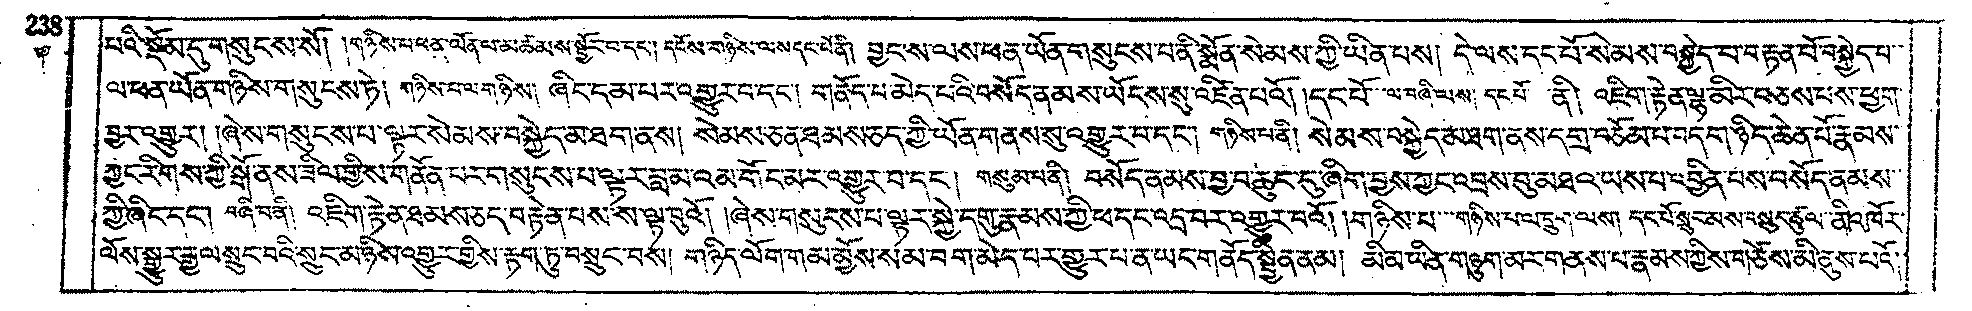པའི་སྡོམ་དུ་གསུངས་སོ། །གཉིས་པ་ཕན་ཡོན་ལ་མཚམས་སྦྱོར་བ་དང་། དངོས་གཉིས་ལས་དང་པོ་ནི།  བྱང་ས་ལས་ཕན་ཡོན་གསུངས་པ་ནི་སྨོན་སེམས་ཀྱི་ཡིན་པས། དེ་ལས་དང་པོ་སེམས་བསྐྱེད་པ་བརྟན་པོ་བསྐྱེད་པ་
ལ་ཕན་ཡོན་གཉིས་གསུངས་ཏེ། གཉིས་པ་ལ་གཉིས།  ཞིང་དམ་པར་འགྱུར་བ་དང་། གནོད་པ་མེད་པའི་བསོད་ནམས་ཡོངས་སུ་འཛིན་པའོ། །དང་པོལ་བཞི་ལས། དང་པོནི། འཇིག་རྟེན་ལྷ་མིར་བཅས་པས་ཕྱག་
བྱར་འགྱུར། །ཞེས་གསུངས་པ་ལྟར་སེམས་བསྐྱེད་མ་ཐག་ནས། སེམས་ཅན་ཐམས་ཅད་ཀྱི་ཡོན་གནས་སུ་འགྱུར་བ་དང་། གཉིས་པ་ནི།  སེམས་བསྐྱེད་མ་ཐག་ནས་དགྲ་བཅོམ་པ་བདག་ཉིད་ཆེན་པོ་རྣམས་
ཀྱང་རིགས་ཀྱི་སྒོ་ནས་ཟིལ་གྱིས་གནོན་པར་གསུངས་པ་ལྟར་བླ་མ་འམ་གོང་མར་འགྱུར་བ་དང་། གསུམ་པ་ནི།  བསོད་ནམས་བྱ་བ་ཆུང་དུ་ཞིག་བྱས་ཀྱང་འབྲས་བུ་མཐའ་ཡས་པ་འབྱིན་པས་བསོད་ནམས་
ཀྱི་ཞིང་དང་། བཞི་པ་ནི།  འཇིག་རྟེན་ཐམས་ཅད་བརྟེན་པས་ས་ལྟ་བུའོ། །ཞེས་གསུངས་པ་ལྟར་སྐྱེ་དགུ་རྣམས་ཀྱི་ཕ་དང་འདྲ་བར་འགྱུར་བའོ། །གཉིས་པགཉིས་པ་ལ་དྲུག་ལས། དང་པོ་སྲུང་མས་བསྲུང་ཚུལནི། འཁོར་
ལོས་སྒྱུར་རྒྱལ་སྲུང་བའི་སྲུང་མ་ཉིས་འགྱུར་གྱིས་རྟག་ཏུ་བསྲུང་བས། གཉིད་ལོག་གམ་མྱོས་སམ་བག་མེད་པར་གྱུར་པ་ན་ཡང་གནོད་སྦྱིན་ནམ། མི་མ་ཡིན་གཉུག་མར་གནས་པ་རྣམས་ཀྱིས་གཙེས་མི་ནུས་པའོ།